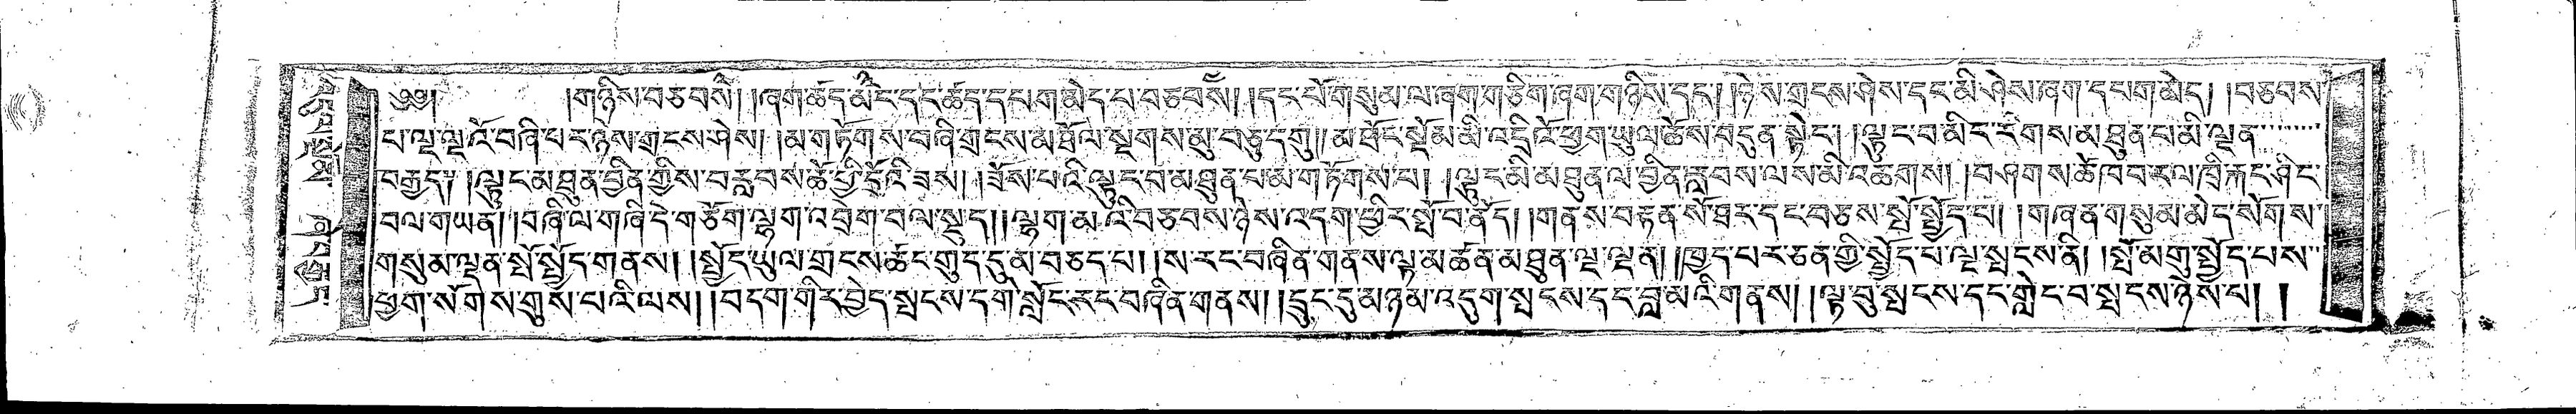༄༅། །གཉིས་བཅབས ༢། །ཞག་ཚད་མང ༣་དང་ཚད་དཔག་མེད་པ་བཅབས ༤། །དང་པོ་གསུམ་ལ་ཞག་གཅིག་ཞག་གཉིས་དང་། །ཉེས་གྲངས་ཤེས་དང་མི་ཤེས་ཞག་དཔག་མེད། །བཅབས་
པ་ལྔ་ལྔའོ་བཞི་པར་ཉེས་གྲངས་ཤེས། །མ་གཏོགས་བཞི་གྲངས་མཐོལ་སྔགས་མུ་བཅུ་དགུ། །མཐོང་སྡོམ་མི་འདྲིའོ་ཕྱག་ཡུལ་ཆོས་བདུན་སྟེང་། །ལྟུང་བ་མིང་རིགས་མཐུན་པ་མི་ལྡན་
བརྒྱད༑ །ལྟུང་མཐུན་བྱིན་གྱིས་བརླབས་ཆོ་ཕྱི་དྲོའི་ཟས། །ཟོས་པའི་ལྟུང་བ་མཐུན་པ་མ་གཏོགས་པ། །ལྟུང་མི་མཐུན་ལ་བྱིན་རླབས་ལས་མི་འཆགས། །བཤགས་ཚེ་ཁབ་རལ་ཁྲི་རྐང་ཤིང་
བལ་གཡན། །བཞི་ལ་གཞི་དེ་གཅོག་ལྷག་འབྲེག་བལ་སྡུད། །ལྷག་མའི་བཅབས་ཉེས་འདག་ཕྱིར་སྤོ་བ་ནོད། །གནས་བརྟན་སོ་ཐར་དང་བཅས་སྤོ་སྤྱོད་པ། །གཞན་གསུམ་མེད་སོགས་
གསུམ་ལྡན་སྤོ་སྤྱོད་གནས། །སྤྱོད་ཡུལ་གྲངས་ཚང་གུད་དུ་མ་བཅད་པ། །ས་རང་བཞིན་གནས་ལྟ་མཚན་མཐུན་ལྔ་ལྔ་ན། །ཁྱད་པར་ཅན་གྱི་སྤྱོད་པ་ལྔ་སྤངས་ནི། །སྤོ་མགུ་སྤྱོད་པས་
ཕྱག་སོགས་གུས་པའི་ལས། །བདག་གིར་བྱེད་སྤངས་དགེ་སློང་རང་བཞིན་གནས། །དྲུང་དུ་མཉམ་འདུག་སྤངས་དང་བླ་མའི་གནས། །ལྟ་བུ་སྤངས་དང་གླེང་བ་སྤངས་ཉེས་པ། །